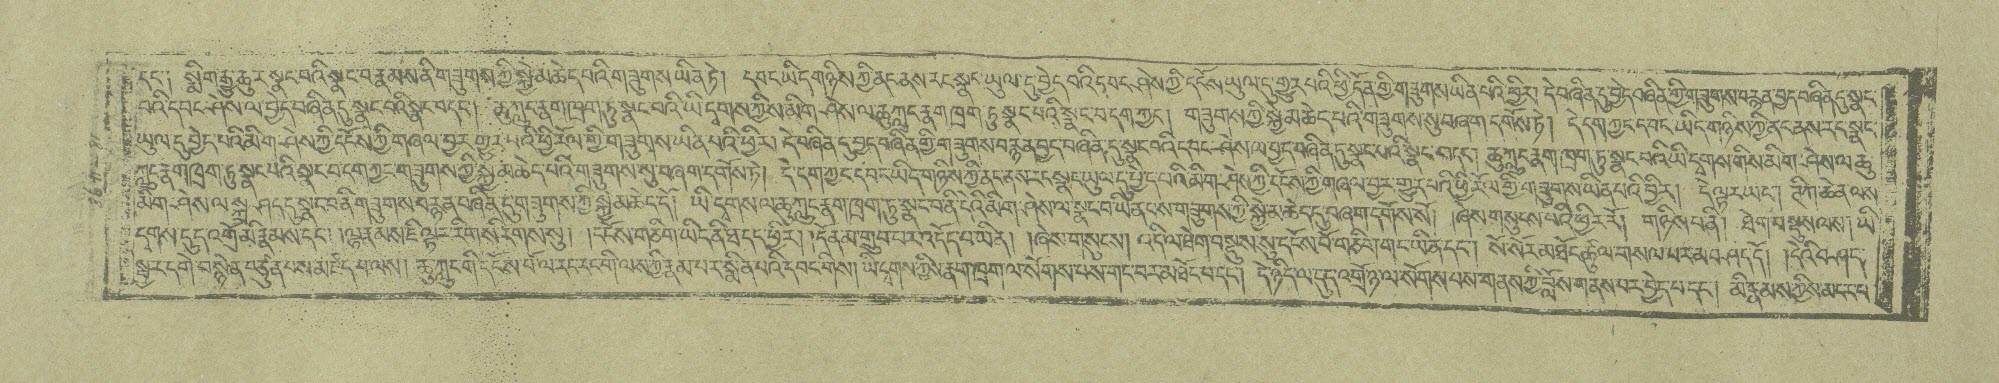དང་། སྨིག་རྒྱུ་ཆུར་སྣང་བའི་སྣང་བ་རྣམས་ནི་གཟུགས་ཀྱི་སྐྱེ་མཆེད་པའི་གཟུགས་ཡིན་ཏེ། དབང་ཡིད་གཉིས་ཀྱི་ནང་ནས་རང་སྣང་ཡུལ་དུ་བྱེད་པའི་དབང་ཤེས་ཀྱི་དངོས་ཡུལ་དུ་གྱུར་པའི་ཕྱི་དོན་གྱི་གཟུགས་ཡིན་པའི་ཕྱིར། དེ་བཞིན་དུ་བྱེད་བཞིན་གྱི་གཟུགས་བརྙན་བྱེད་བཞིན་དུ་སྣང་
པའི་དབང་ཤེས་ལ་བྱེད་བཞིན་དུ་སྣང་བ་སྣང་བ་དང་། ཆུ་ཀླུང་རྣག་ཁྲག་ཏུ་སྣང་བའི་ཡི་དྭགས་ཀྱིས་མིག་ཤེས་ལ་ཆུ་ཀླུང་རྣག་ཁྲག་ཏུ་སྣང་བའི་སྣང་བ་དག་ཀྱང་། གཟུགས་ཀྱི་སྐྱེ་མཆེད་པའི་གཟུགས་སུ་བཞག་དགོས་ཏེ། དེ་དག་ཀྱང་དབང་ཡིད་གཉིས་ཀྱི་ནང་ནས་རང་སྣང་
ཡུལ་དུ་བྱེད་པའི་མིག་ཤེས་ཀྱི་དངོས་ཀྱི་གཞལ་བྱར་གྱུར་པའི་ཕྱི་རོལ་གྱི་གཟུགས་ཡིན་པའི་ཕྱིར། དེ་བཞིན་དུ་བྱད་བཞིན་གྱི་གཟུགས་བརྙན་བྱད་བཞིན་དུ་སྣང་བའི་དབང་ཤེས་ལ་བྱད་བཞིན་དུ་སྣང་བའི་སྣང་བ་དང་། ཆུ་ཀླུང་རྣག་ཁྲག་ཏུ་སྣང་བའི་ཡི་དྭགས་གིས་མིག་ཤེས་ལ་ཆུ་
ཀླུང་རྣག་ཁྲག་ཏུ་སྣང་བའི་སྣང་བ་དག་ཀྱང་གཟུགས་ཀྱི་སྐྱེ་མཆེད་པའི་གཟུགས་སུ་བཞག་དགོས་ཏེ། དེ་དག་ཀྱང་དབང་ཡིད་གཉིས་ཀྱི་ནང་ནས་རང་སྣང་ཡུལ་དུ་བྱེད་པའི་མིག་ཤེས་ཀྱི་དངོས་ཀྱི་གཞལ་བྱར་གྱུར་པའི་ཕྱི་རོལ་གྱི་གཟུགས་ཡིན་པའི་ཕྱིར། དེ་ལྟར་ཡང་། ཊིཀ་ཆེན་ལས་
མིག་ཤེས་ལ་སྐྲ་ཤད་དུ་སྣང་བ་ནི་གཟུགས་བརྙན་བཞིན་དུ་གཟུགས་ཀྱི་སྐྱེ་མཆེད་དེ། ཡི་དྭགས་ལ་ཆུ་ཀླུང་རྣག་ཁྲག་ཏུ་སྣང་བ་ནི་དེའི་མིག་ཤེས་ལ་སྣང་བ་ཡིན་པས་གཟུགས་ཀྱི་སྐྱེ་མཆེད་དུ་བཞག་དགོས་སོ། །ཞེས་གསུངས་པའི་ཕྱིར་རོ། །གཉིས་པ་ནི། ཐེག་བསྡུས་ལས། ཡི་
དྭགས་དུད་འགྲོ་མི་རྣམས་དང་། །ལྷ་རྣམས་ཇི་ལྟར་རིགས་རིགས་སུ། །དངོས་གཅིག་ཡིད་ནི་ཐ་དང་ཕྱིར། །དོན་མ་གྲུབ་པར་འདོད་པ་ཡིན། །ཞེས་གསུངས། འདི་ལ་ཐེག་བསྡུས་སུ་དངོས་པོ་གཅིག་གང་ཡིན་དང་། སོ་སོར་མཐོང་ཚུལ་གསལ་བར་མ་བཤད་དོ། །དེའི་བཤད་
སྦྱར་དགེ་བསྙེན་བཙུན་པས་མཛད་པ་ལས། ཆུ་ཀླུང་གི་དངོས་པོ་ལ་རང་རང་གི་ལས་ཀྱི་རྣམ་པར་སྨིན་པའི་དབང་གིས། ཡི་དྭགས་ཀྱིས་རྣག་ཁྲག་ལ་སོགས་པས་གང་བར་མཐོང་བ་དང་། དེ་ཉིད་ལ་དུད་འགྲོ་ཉ་ལ་སོགས་པས་གནས་ཀྱི་བློས་གནས་པར་བྱེད་པ་དང་། མི་རྣམས་ཀྱིས་མངར་བ་